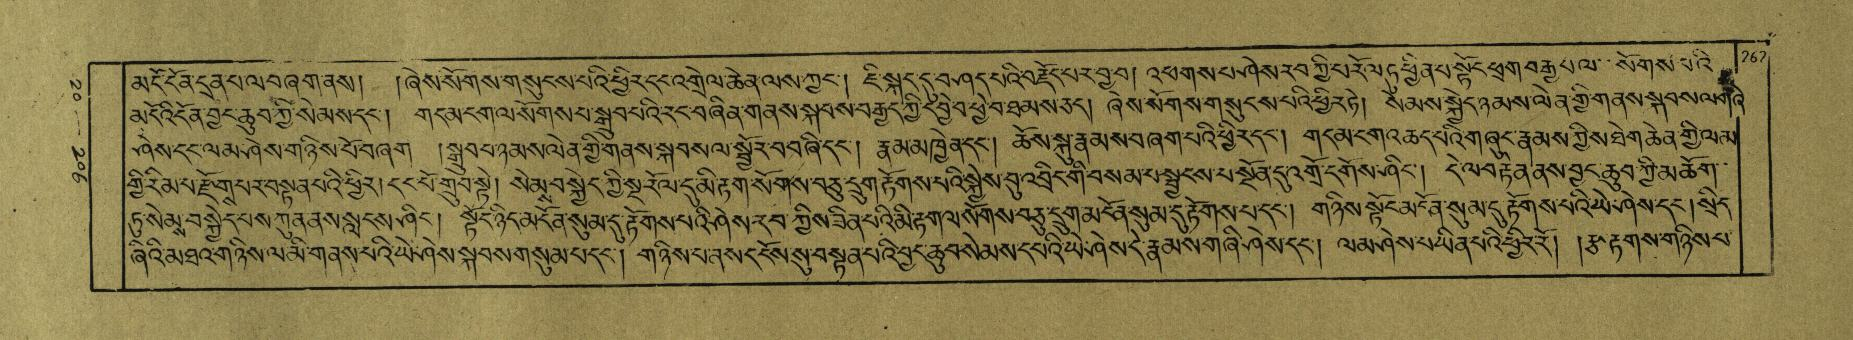མངོ་ངོན་དྲན་པ་ལ་བཞག་ནས། །ཞེས་སོགས་གསུངས་པའི་ཕྱིར་དང་འགྲེལ་ཆེན་ལས་ཀྱང་། ཇི་སྐད་དུ་བཤད་པའི་བརྗོད་པར་བྱ་བ། འཕགས་པ་ཤེས་རབ་ཀྱི་ཕ་རོལ་ཏུ་ཕྱིན་པ་སྟོང་ཕྲག་བརྒྱ་པ་ལ་སོགས་པའི་
མདོའི་དོན་བྱང་ཆུབ་ཀྱི་སེམས་དང་། གདམ་ངག་ལ་སོགས་པ་སྒྲུབ་པའི་རང་བཞིན་གནས་སྐབས་བརྒྱད་ཀྱི་དབྱེ་བ་ཕྱེ་བ་ཐམས་ཅད། ཞེས་སོགས་གསུངས་པའི་ཕྱིར་ཏེ། སེམས་སྐྱེད་ཉམས་ལེན་གྱི་གནས་སྐབས་ལ་གཞི་
ཤེས་དང་ལམ་ཤེས་གཉིས་པོ་བཞག །སྒྲུབ་པ་ཉམས་ལེན་གྱི་གནས་སྐབས་ལ་སྦྱོར་བ་བཞི་དང་། རྣམ་མཁྱེན་དང་། ཆོས་སྐུ་རྣམས་བཞག་པའི་ཕྱིར་དང་། གདམ་ངག་འཆད་པའི་གཞུང་རྣམས་ཀྱིས་ཐེག་ཆེན་གྱི་ལམ་
གྱི་རིམ་པ་རྫོགས་པར་བསྟན་པའི་ཕྱིར། དང་པོ་གྲུབ་སྟེ། སེམས་བསྐྱེད་ཀྱི་སྔ་རོལ་དུ་མི་རྟག་སོགས་བཅུ་དྲུག་རྟོགས་པའི་སྐྱེས་བུ་འབྲིང་གི་བསམ་པ་སྦྱངས་པ་སྔོན་དུ་འགྲོ་དགོས་ཤིང་། དེ་ལ་བརྟེན་ནས་བྱང་ཆུབ་ཀྱི་མཆོག་
ཏུ་སེམས་བསྐྱེད་པས་ཀུན་ནས་སླངས་ཤིང་། སྟོང་ཉིད་མངོན་སུམ་དུ་རྟོགས་པའི་ཤེས་རབ་ཀྱིས་ཟིན་པའི་མི་རྟག་ལ་སོགས་བཅུ་དྲུག་མངོན་སུམ་དུ་རྟོགས་པ་དང་། གཉིས་སྟོང་མངོན་སུམ་དུ་རྟོགས་པའི་ཡེ་ཤེས་དང་། སྲིད་
ཞིའི་མཐའ་གཉིས་ལ་མི་གནས་པའི་ཡེ་ཤེས་སྐབས་གསུམ་པ་དང་། གཉིས་པ་ནས་དངོས་སུ་བསྟན་པའི་བྱང་ཆུབ་སེམས་དཔའི་ཡེ་ཤེས་དེ་རྣམས་གཞི་ཤེས་དང་། ལམ་ཤེས་པ་ཡིན་པའི་ཕྱིར་རོ། །རྩ་རྟགས་གཉིས་པ་